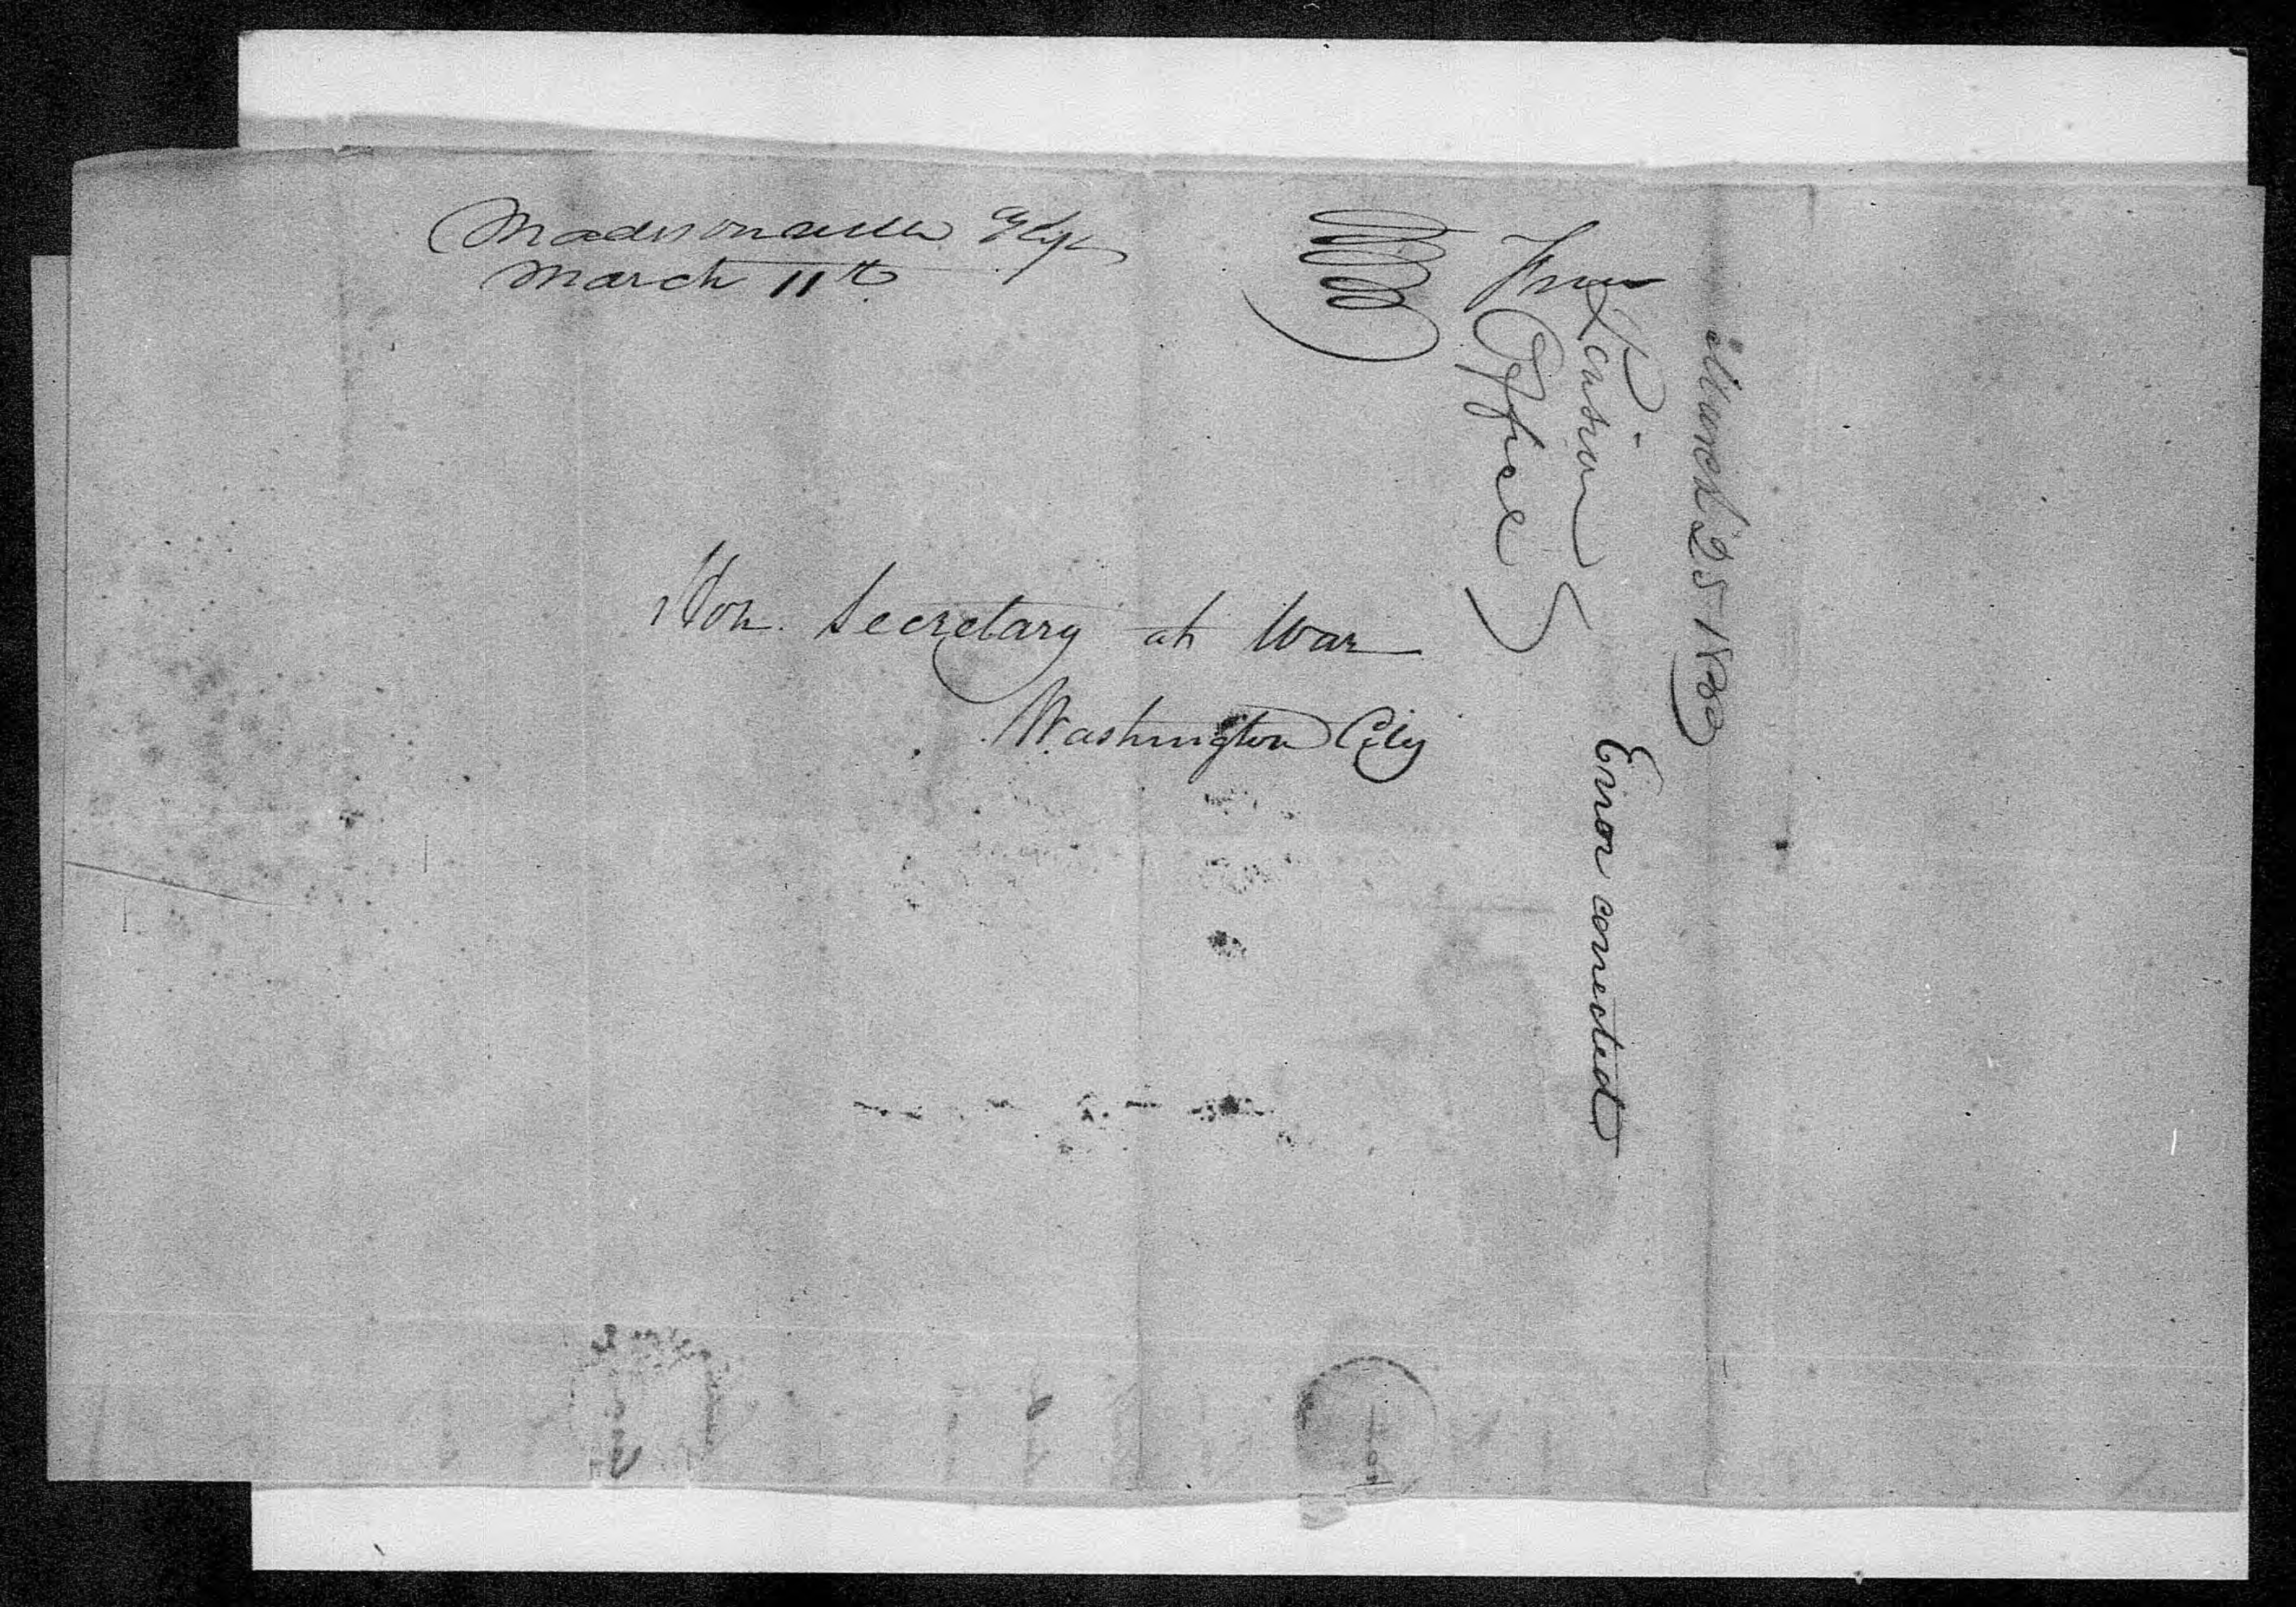Madisonville Ky
March 11th

Hon. Secretary at War
Washington City

March 25 1833
From Pension Office
Error corrected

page: 13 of 19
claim: survivor's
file: S. 16404, John Hankins, Va.